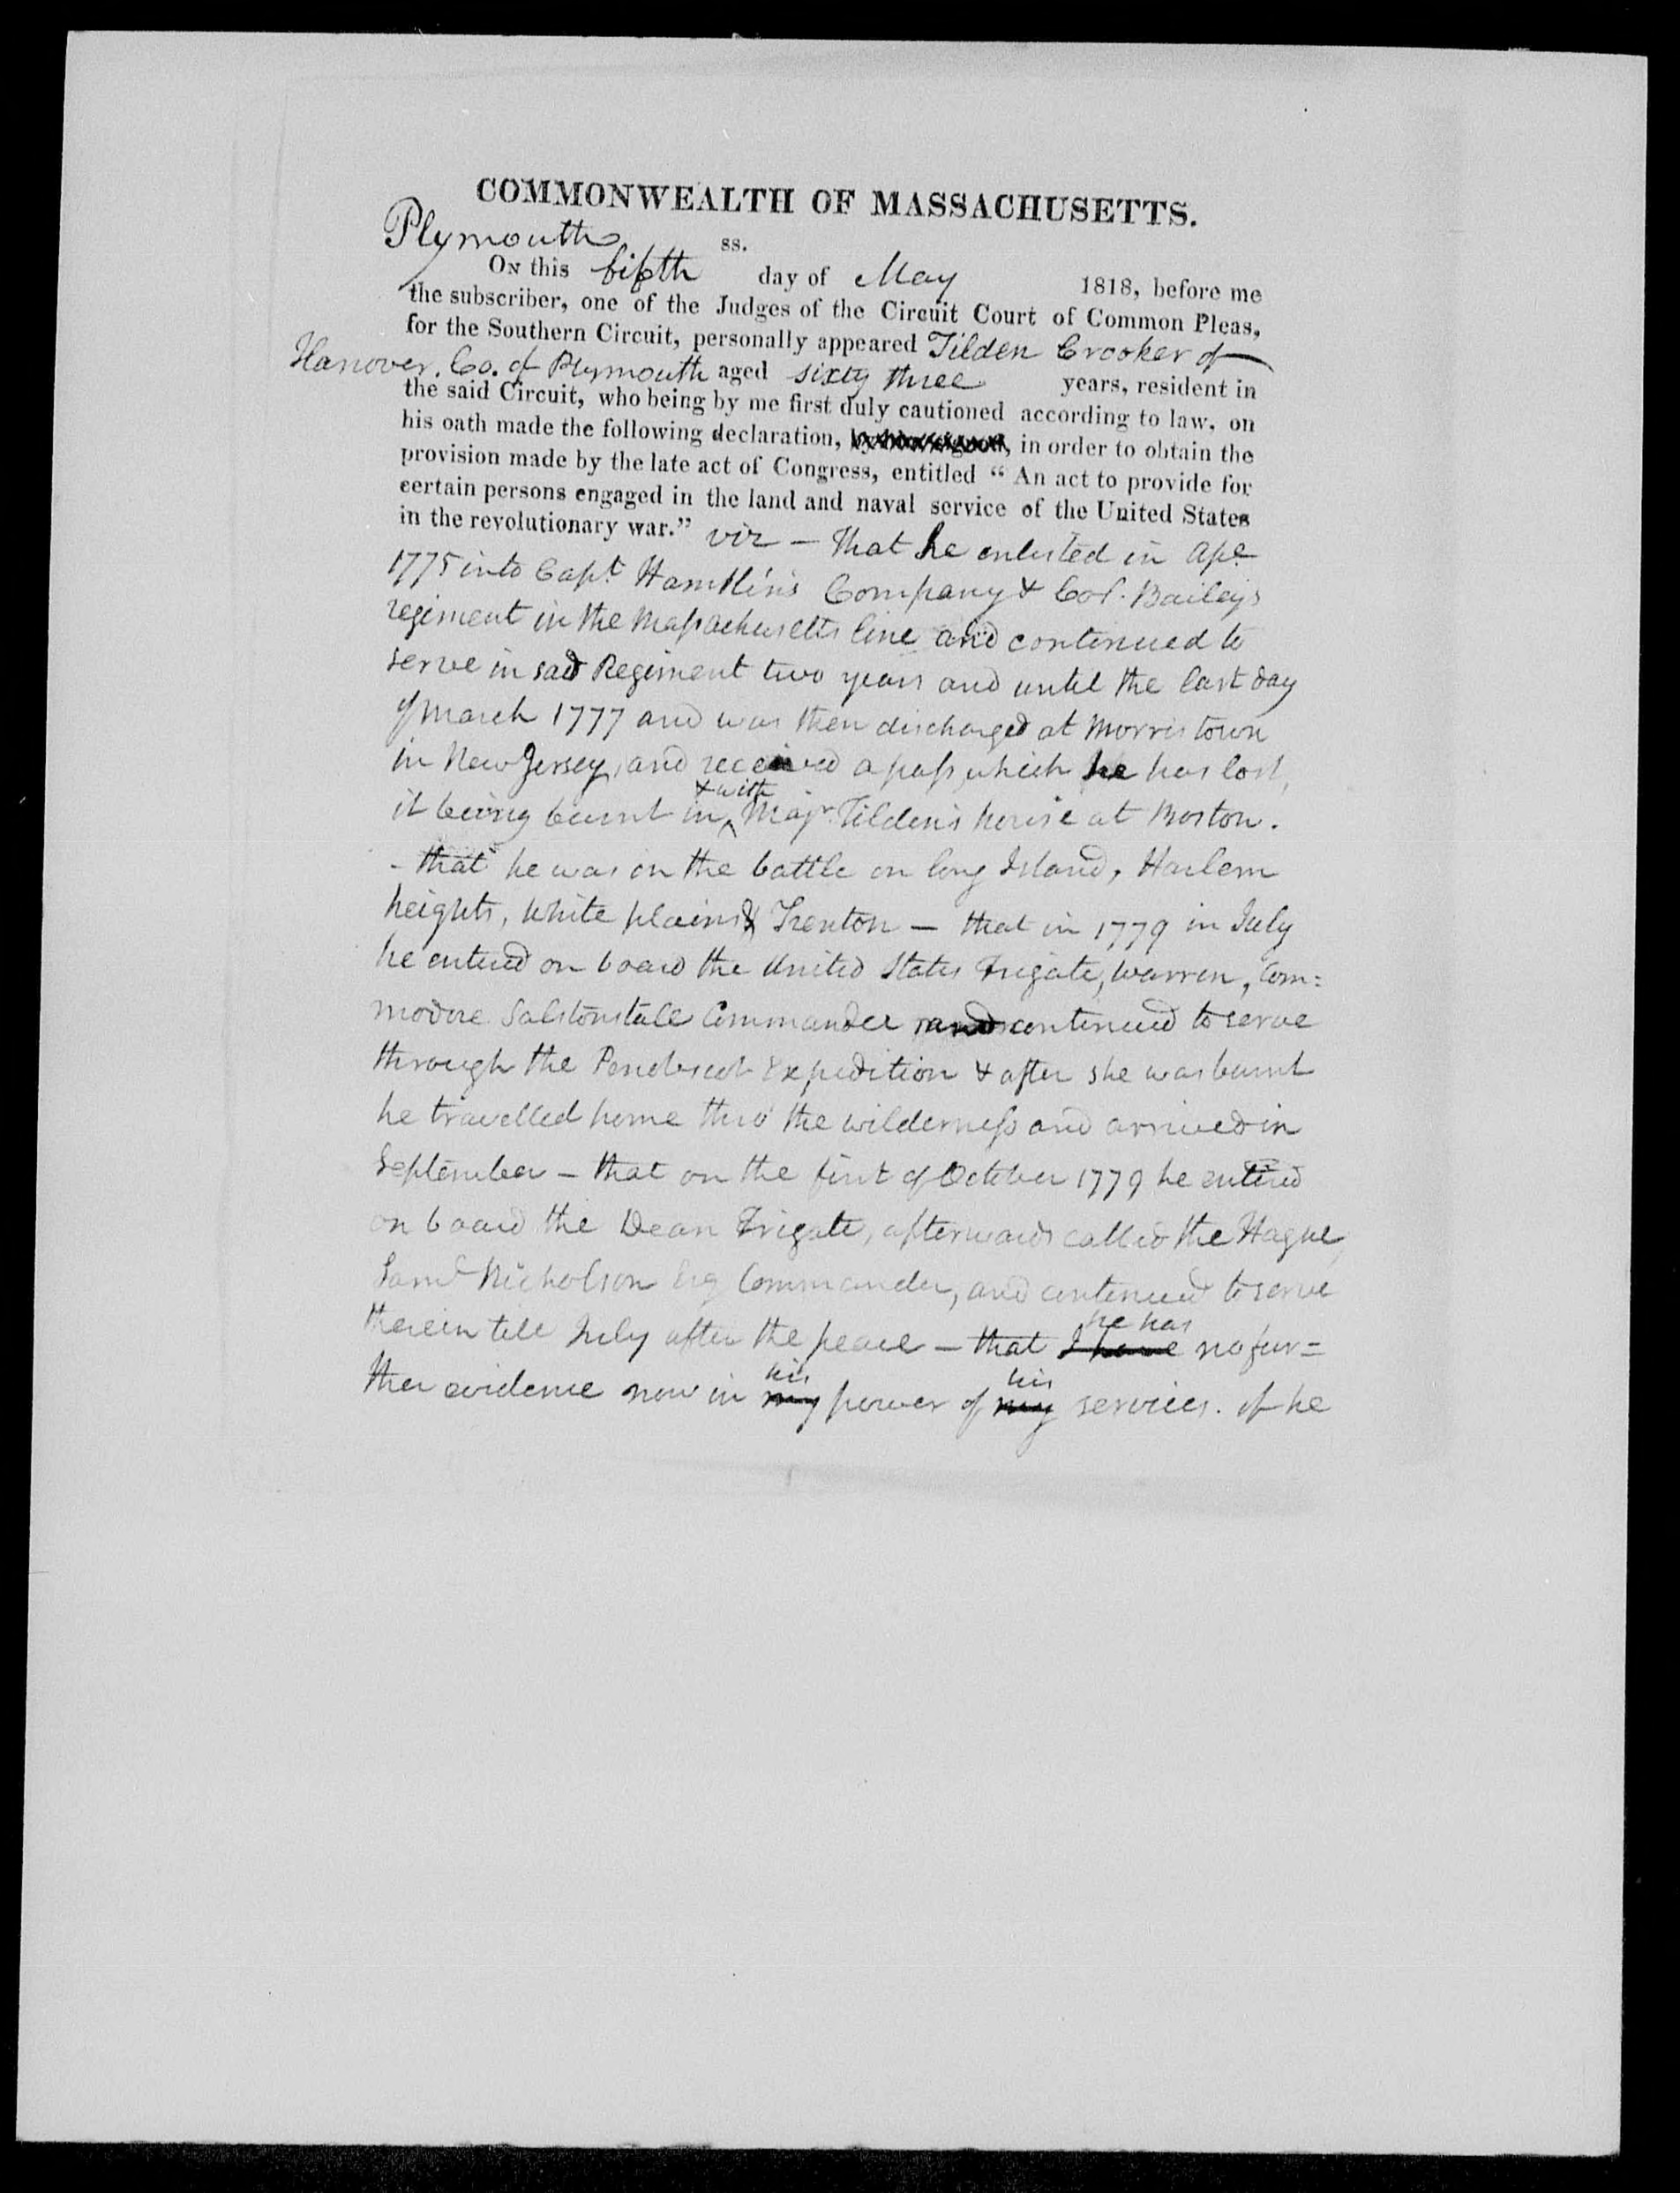Commonwealth of Massachusetts

Plymouth ss.

On this fifth day of May 1818, before me the subscriber, one of the Judges of the Circuit Court of Common Pleas for the Southern Circuit, personally appeared Tilden Crooker of Hanover, Co. of Plymouth, aged sixty three years, resident in the said Circuit, who being by me first duly cautioned according to law, on his oath made the following declaration, in order to obtain the provision made by the late act of Congress, entitled "An act to provide for certain persons engaged in the land and naval service of the United States in the revolutionary war."  That he enlisted in April 1775 into Capt. Hawkins' Company and Col. Bailey's regiment in the Massachusetts line and continued to serve in said regiment two years and until the last day of March 1777, and was then discharged at Morristown in New Jersey, and received a paper which he has lost, it being burnt in Major Tilden's house at Boston.
That he was on the battle on Long Island, Harlem Heights, White Plains, and Trenton, that in 1779 in July he entered on board the United States Frigate, Warren, commodore Salstontale, Commander and continued to serve through the Penobscot expedition and after she was burnt he travelled home thru the wilderness and arrived in September, that on the first of October 1779 he entered on board the Dean Frigate, afterwards called the Hague, Samuel Nicholson Commander, and continued to serve therein till July after the peace - that he has no further evidence now in his power of his services.  if he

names: Tilden Crooker, Hague Saml Nicholson, Tilden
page: 4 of 33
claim: widow's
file: W. 22862, Tilden Crooker, Mass Navy